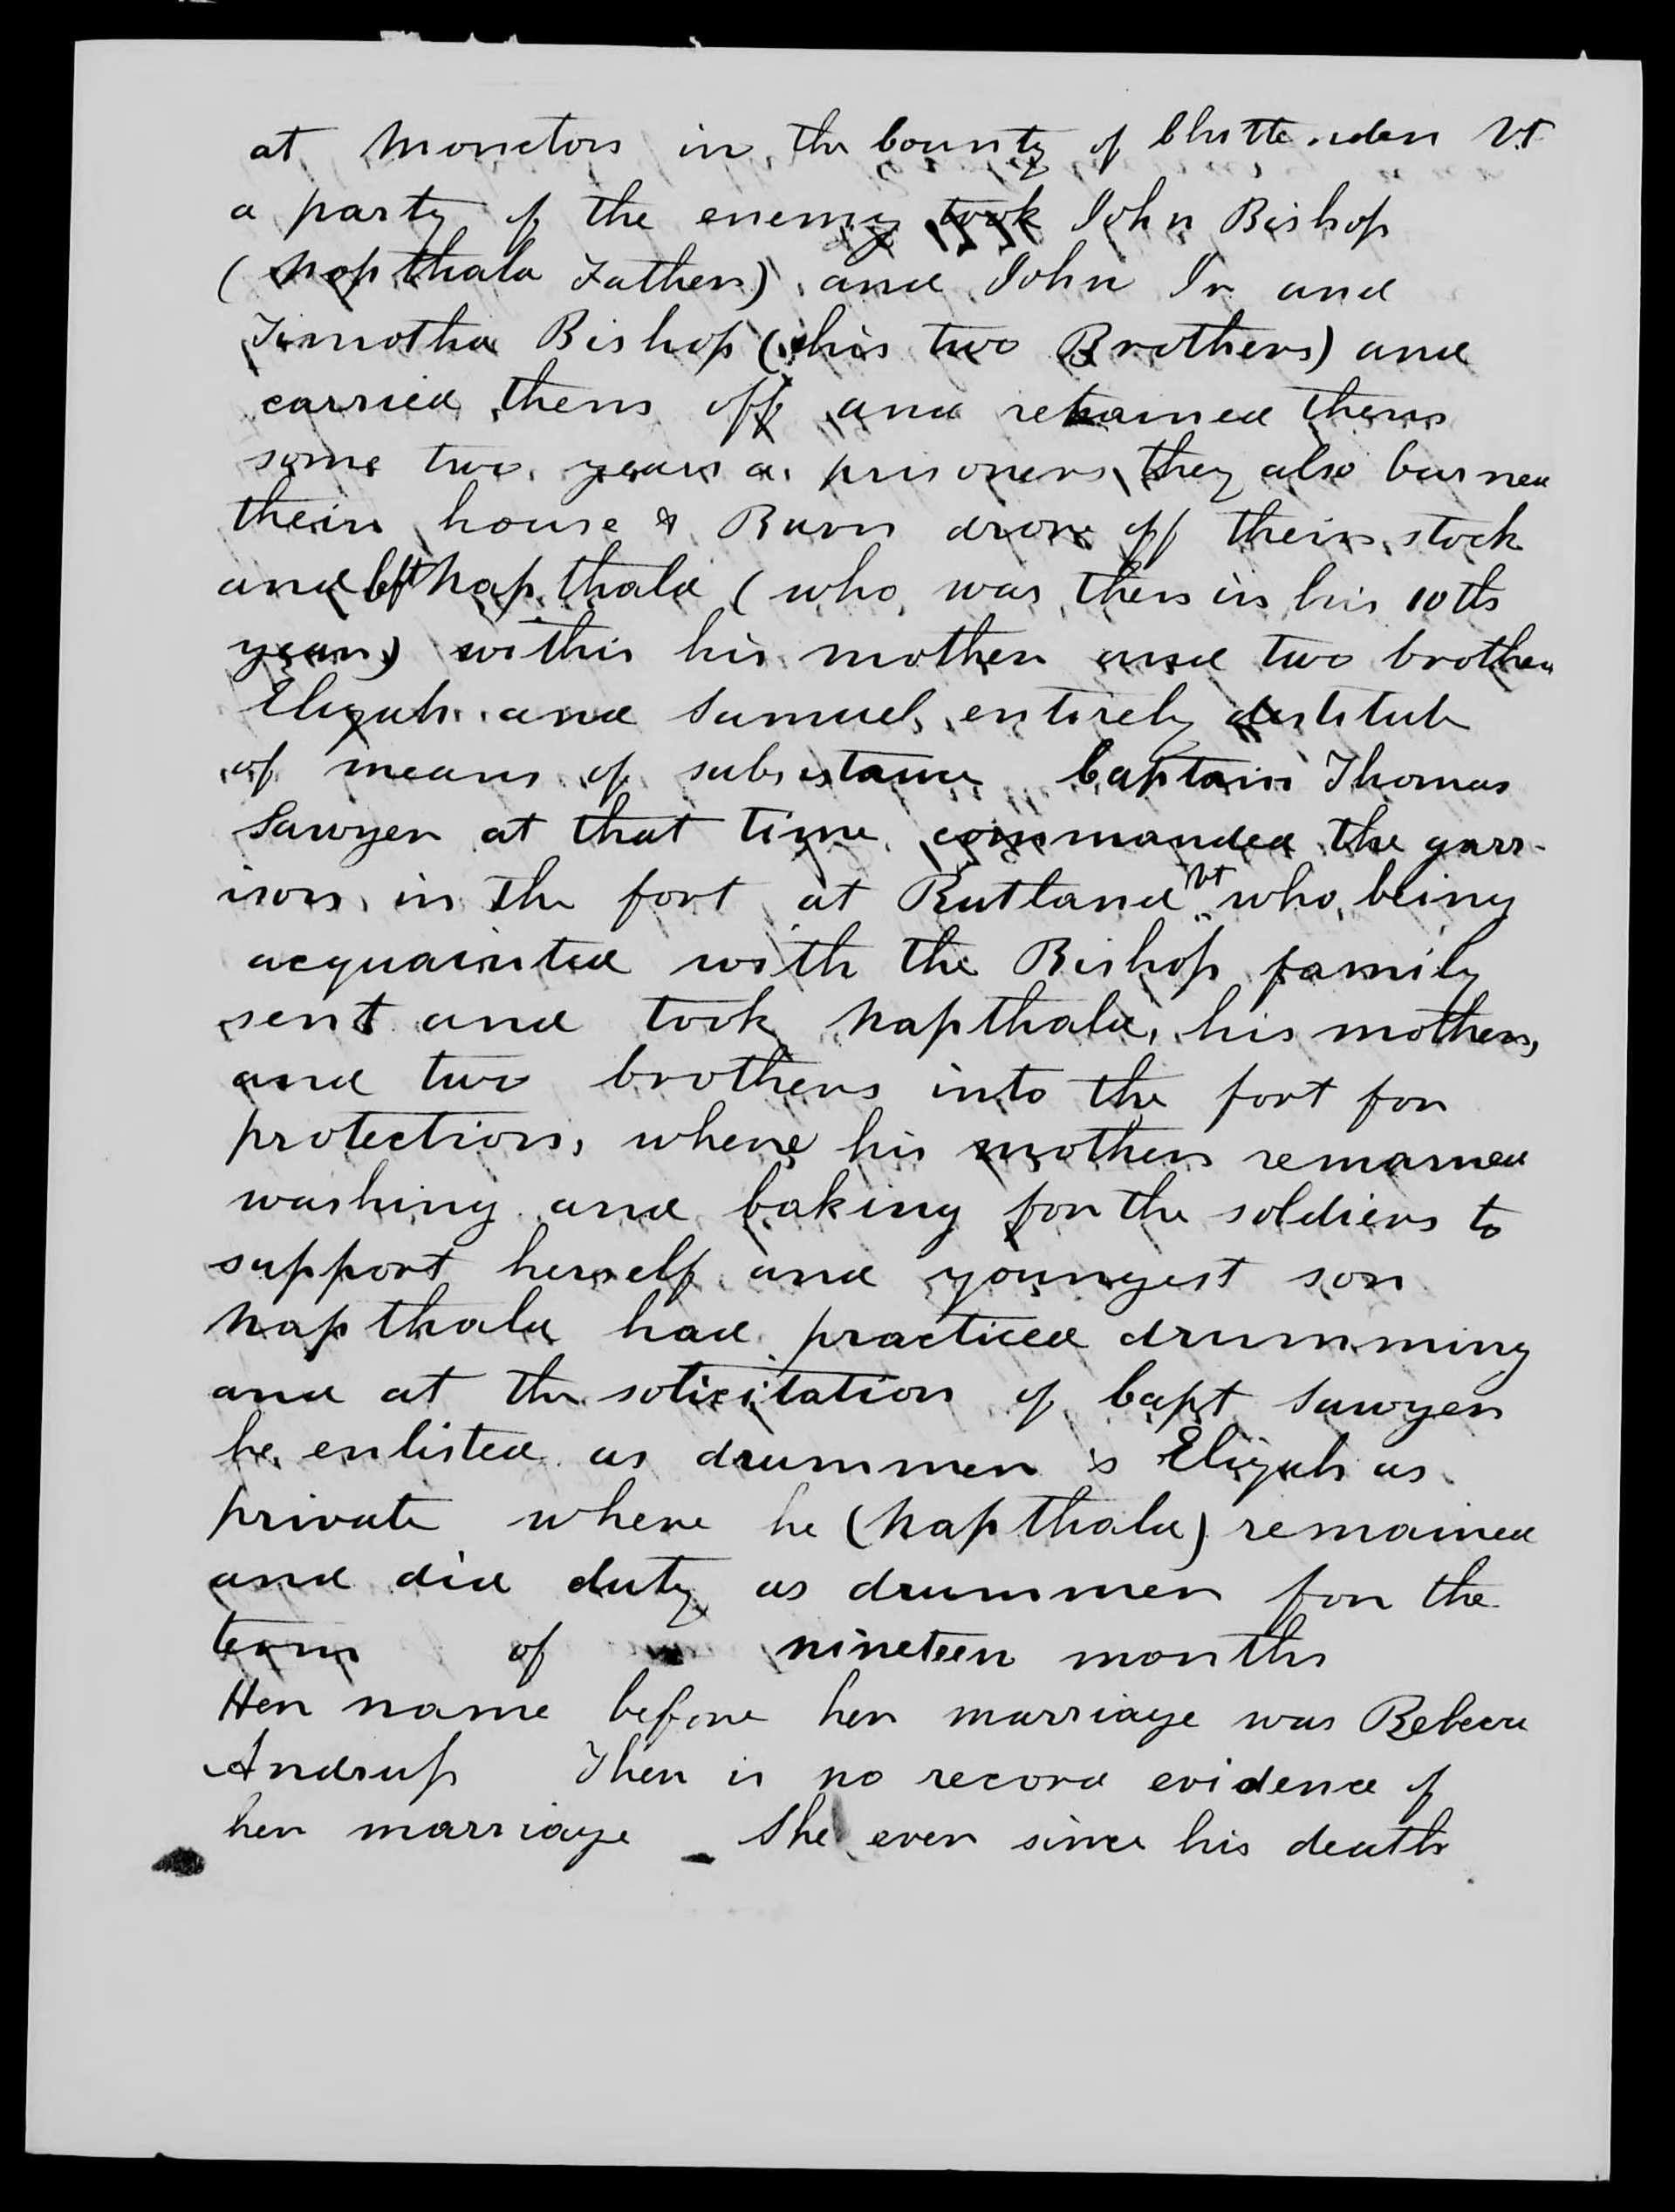at ? in the County of Chittenden Vt a party of the enemy took John Bishop (Napthala Father), and John Jr and Timothy Bishop (his two Brothers) and carried them off and returned them some two years as prisoners, they also burned their house &  burn drove off their stock and left  Napthala (who was then in his 10th year) with his mother and tow brothers Elijah and Samuel entirely destitute of means of subsistence.  Captain Thomas Sawyer at that time commanded the garrison in the fort at Rutland Vt who being acquainted with the Bishop family sent and took Napthala, his mother, and two brothers into the fort for protection, where his mother remained washing and baking for the soldiers to support herself and youngest son Napthala had practiced drumming and at the solicitation of Capt Sawyer he enlisted as drummer & Elijah as private where he (Napthala) remained and did duty as drummer for the term of nineteen months.  Her name before her marriage was Rebecca Androuss. There is no record evidence of her marriage.  She ever since his death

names: Rebeca Andruss, Eliyah, Eliyah, John Bishop, Thomas Sawyer, Napthala, Sawyer, Samuel, Timotha Bishop, Napthala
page: 3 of 27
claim: rejected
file: R. 865, Napthala Bishop, Vt.